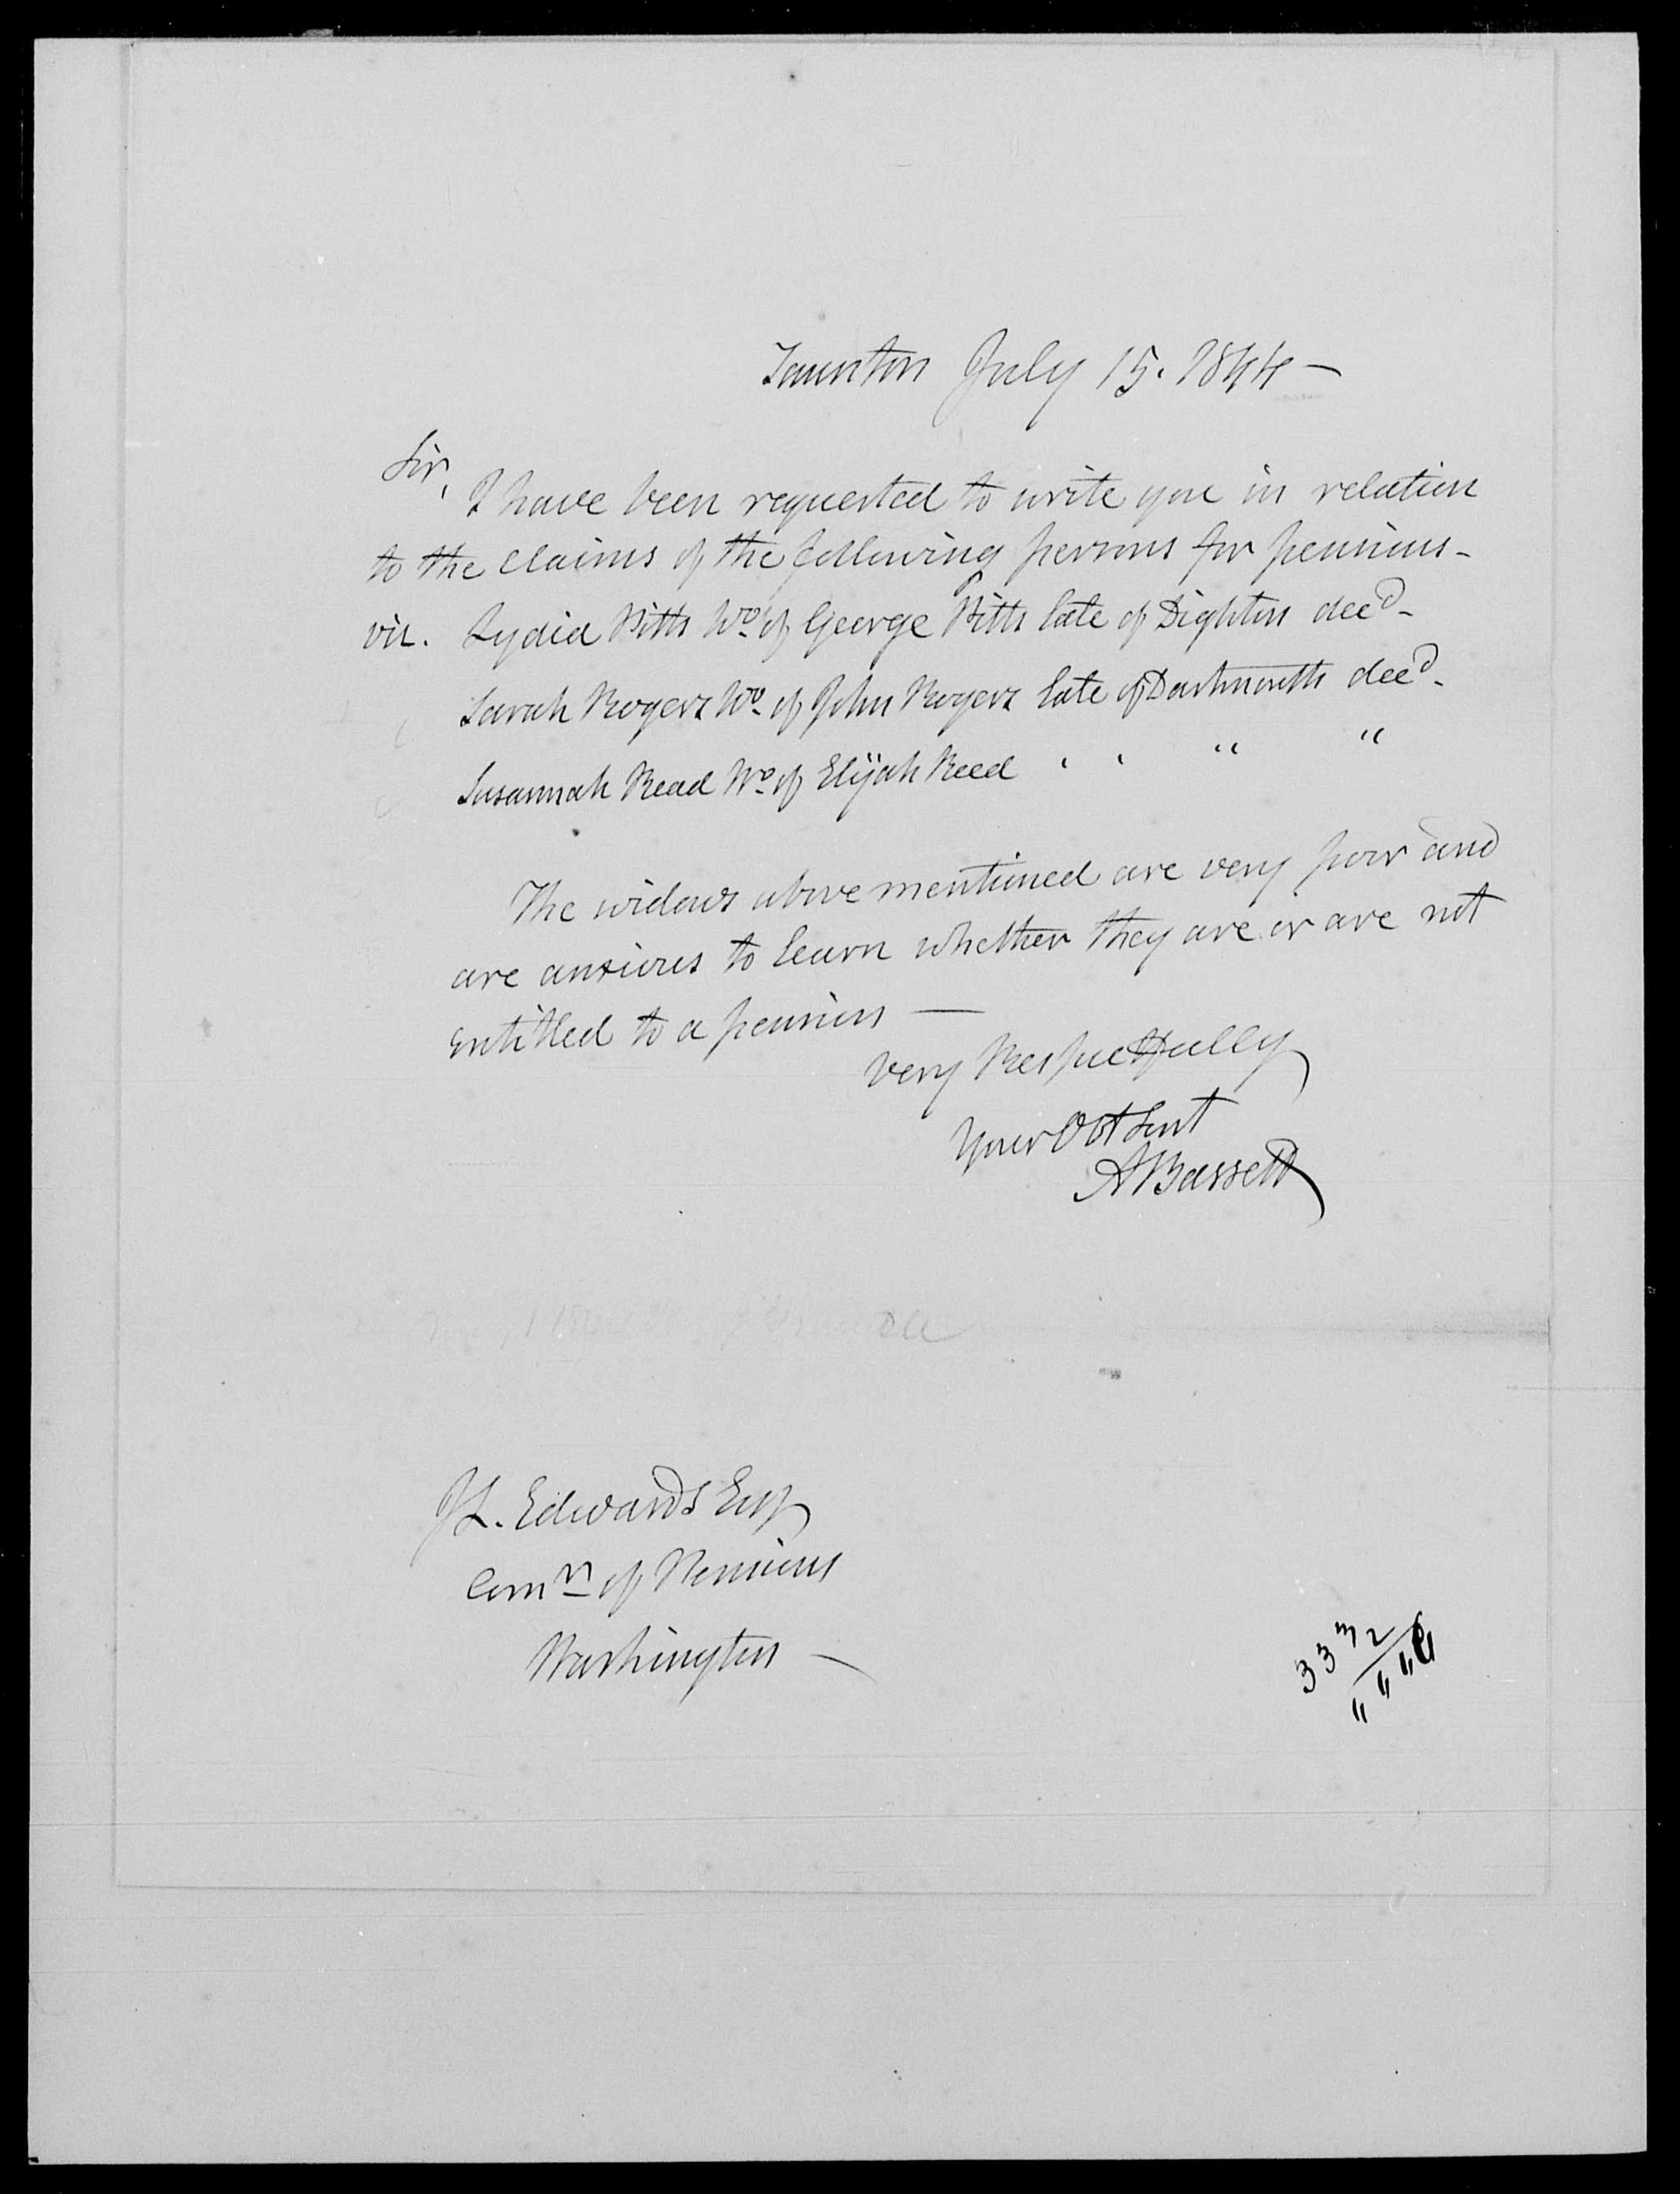Taunton July 15, 1844 -
Sir, I have been requested to write you in relation 
to the claims of the following persons for pensions
viz Lydia Pitts wife of George Pitts late of Dighton deceased
Sarah Rogers, wife of John Rogers late of Dartmouth deceased
Susannah Read, wife of Elijah Reed late of Darthmouth deceased
The widows above mentioned are very poor and
are anxious to learn whether they are or are not
entitled to a pensions
---
Very Respectfully
Your Obt Serv.
A Bassett [signature]
J.L. Edwards Esq
Comr of Pensions
Washington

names: George Pitts; Elijah Reed; Susannah Read; Sarah Rogers; John Rogers; J L Edwards; Lydia Pitts; A Bassett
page: 31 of 54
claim: widow's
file: W. 26,897, for George Pitts, Massachusetts